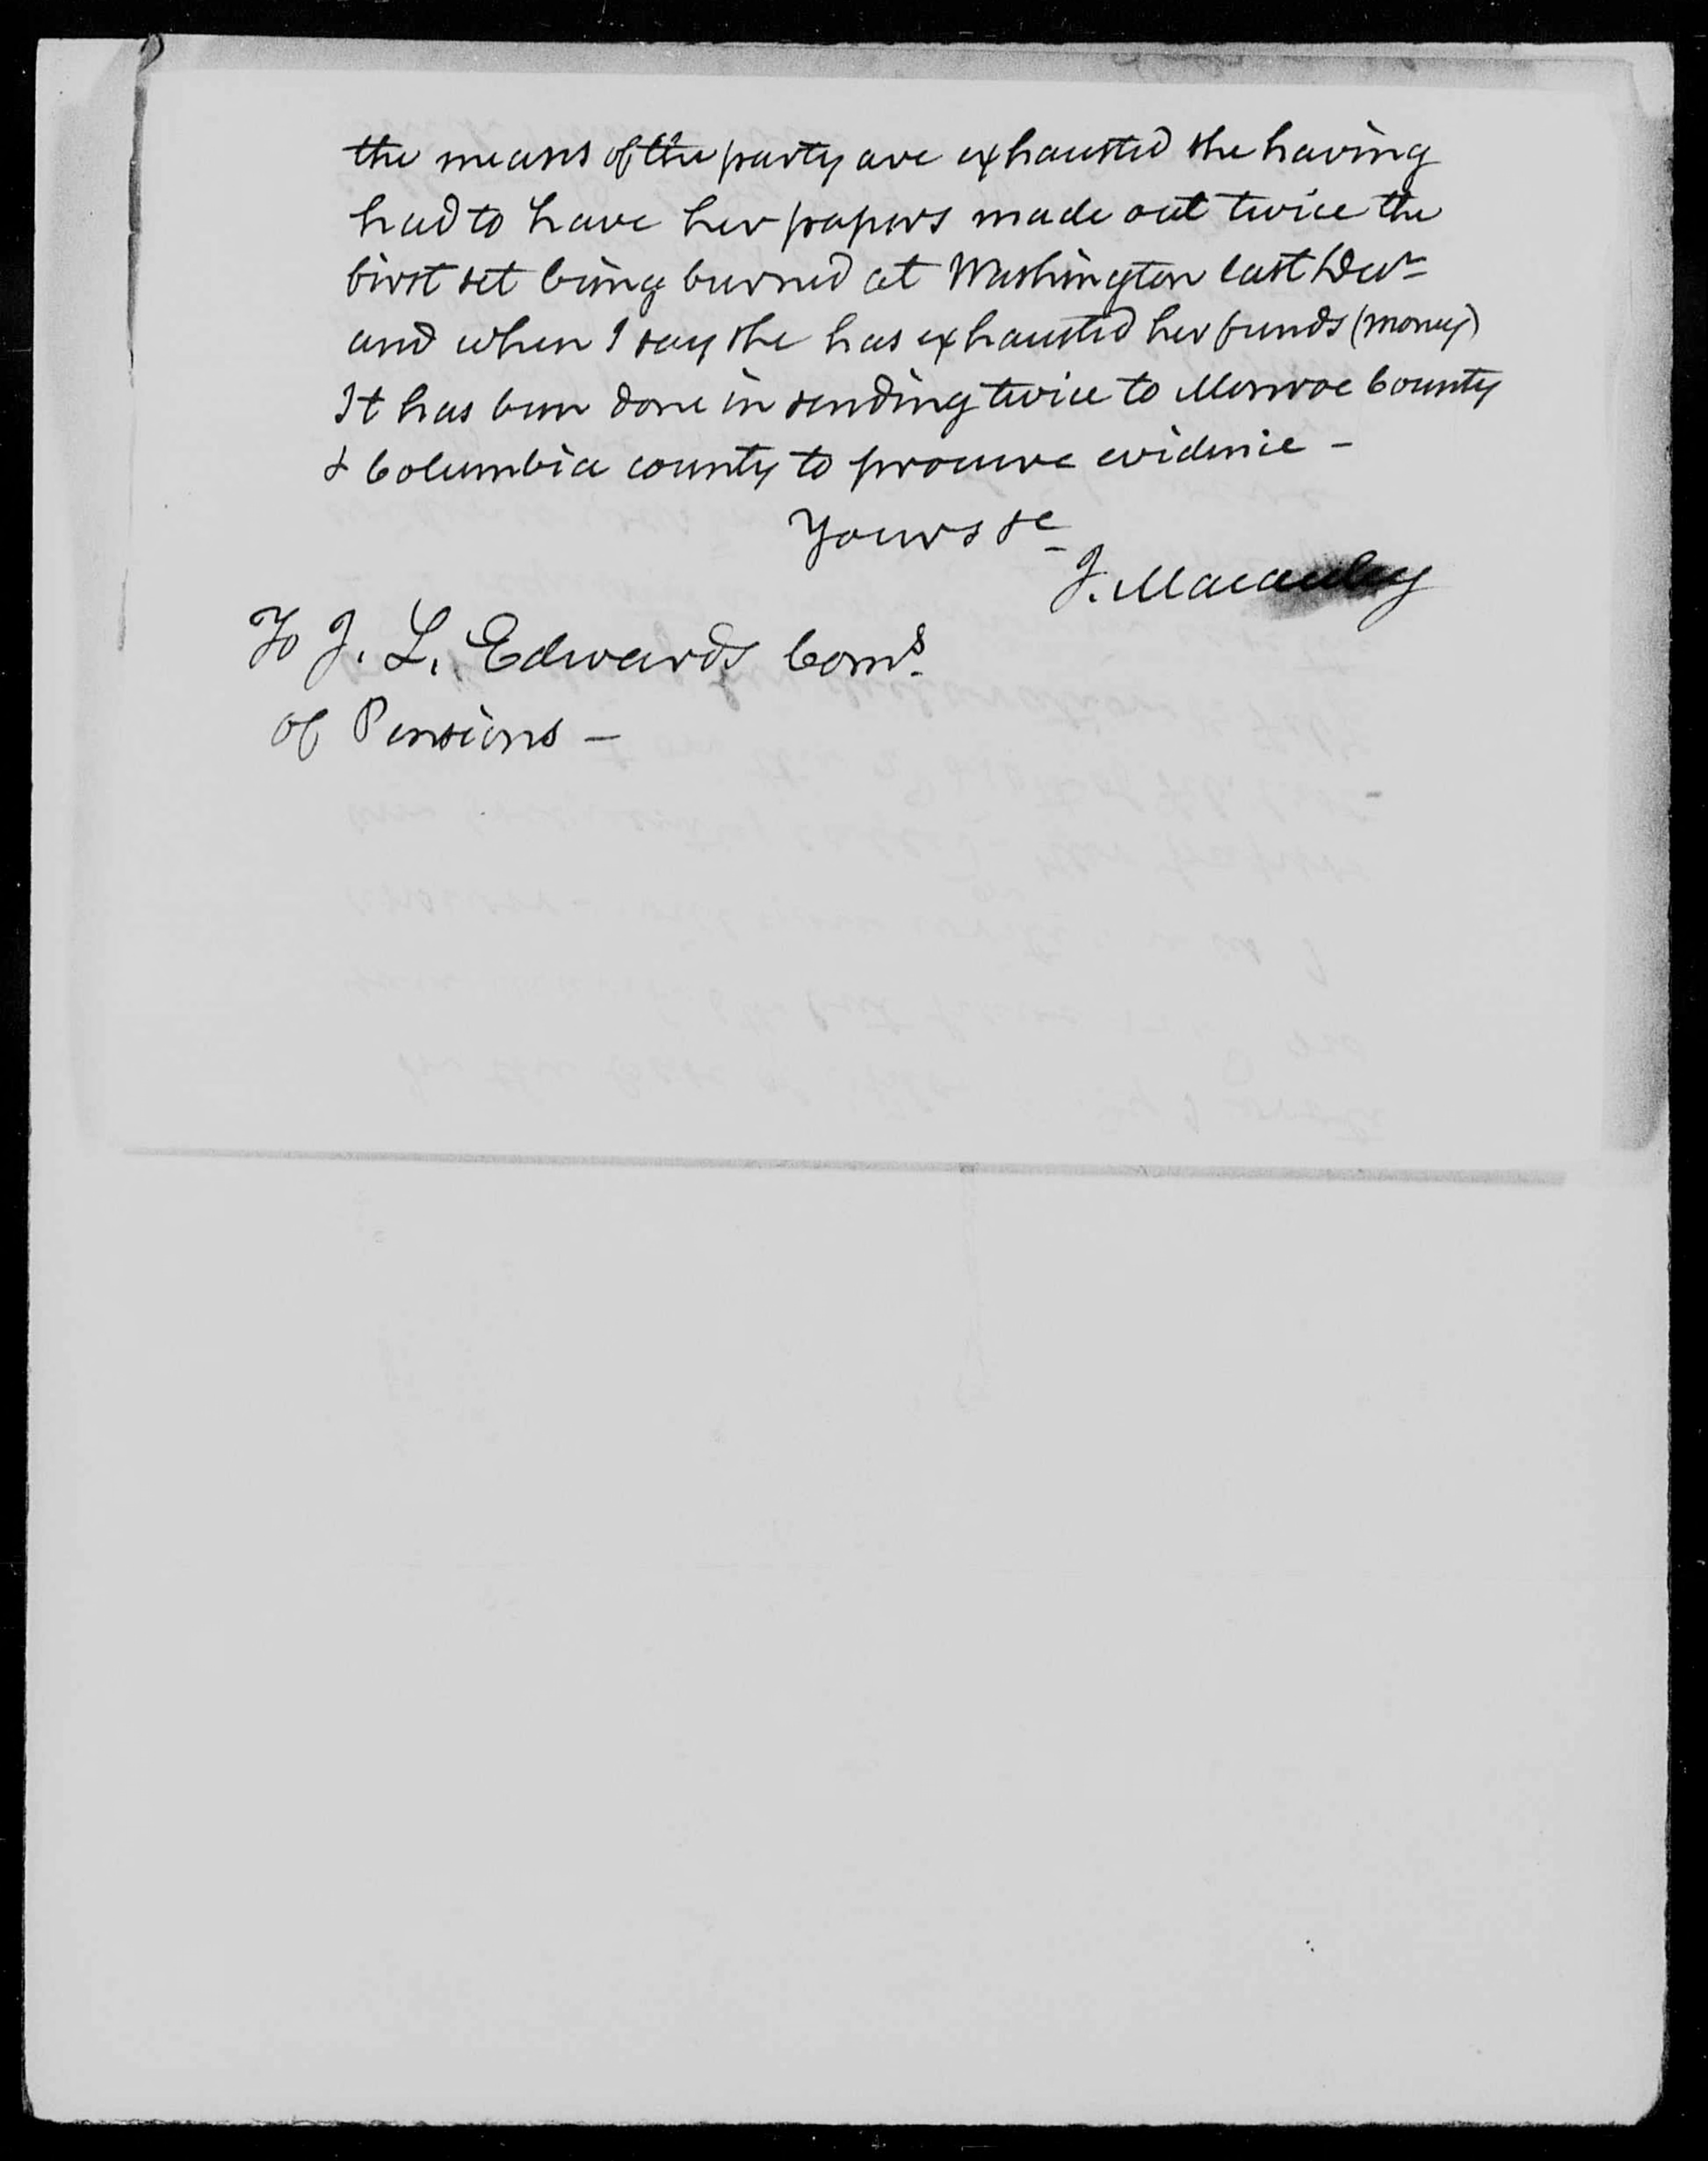[handwritten]

the means of the party are exhausted she having had to have her papers made out twice the first set being burned at Washington last [?] and when I say she has exhausted her funds (money) It has been done in sending twice to Monroe County & Columbia County to procure evidence - 
Yours &c
J. Macanley

To J. L. Edwards Coms. of Pensions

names: J L Edwards, J Macanlay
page: 27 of 30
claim: rejected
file: R. 4927, Conrad Hess, New York